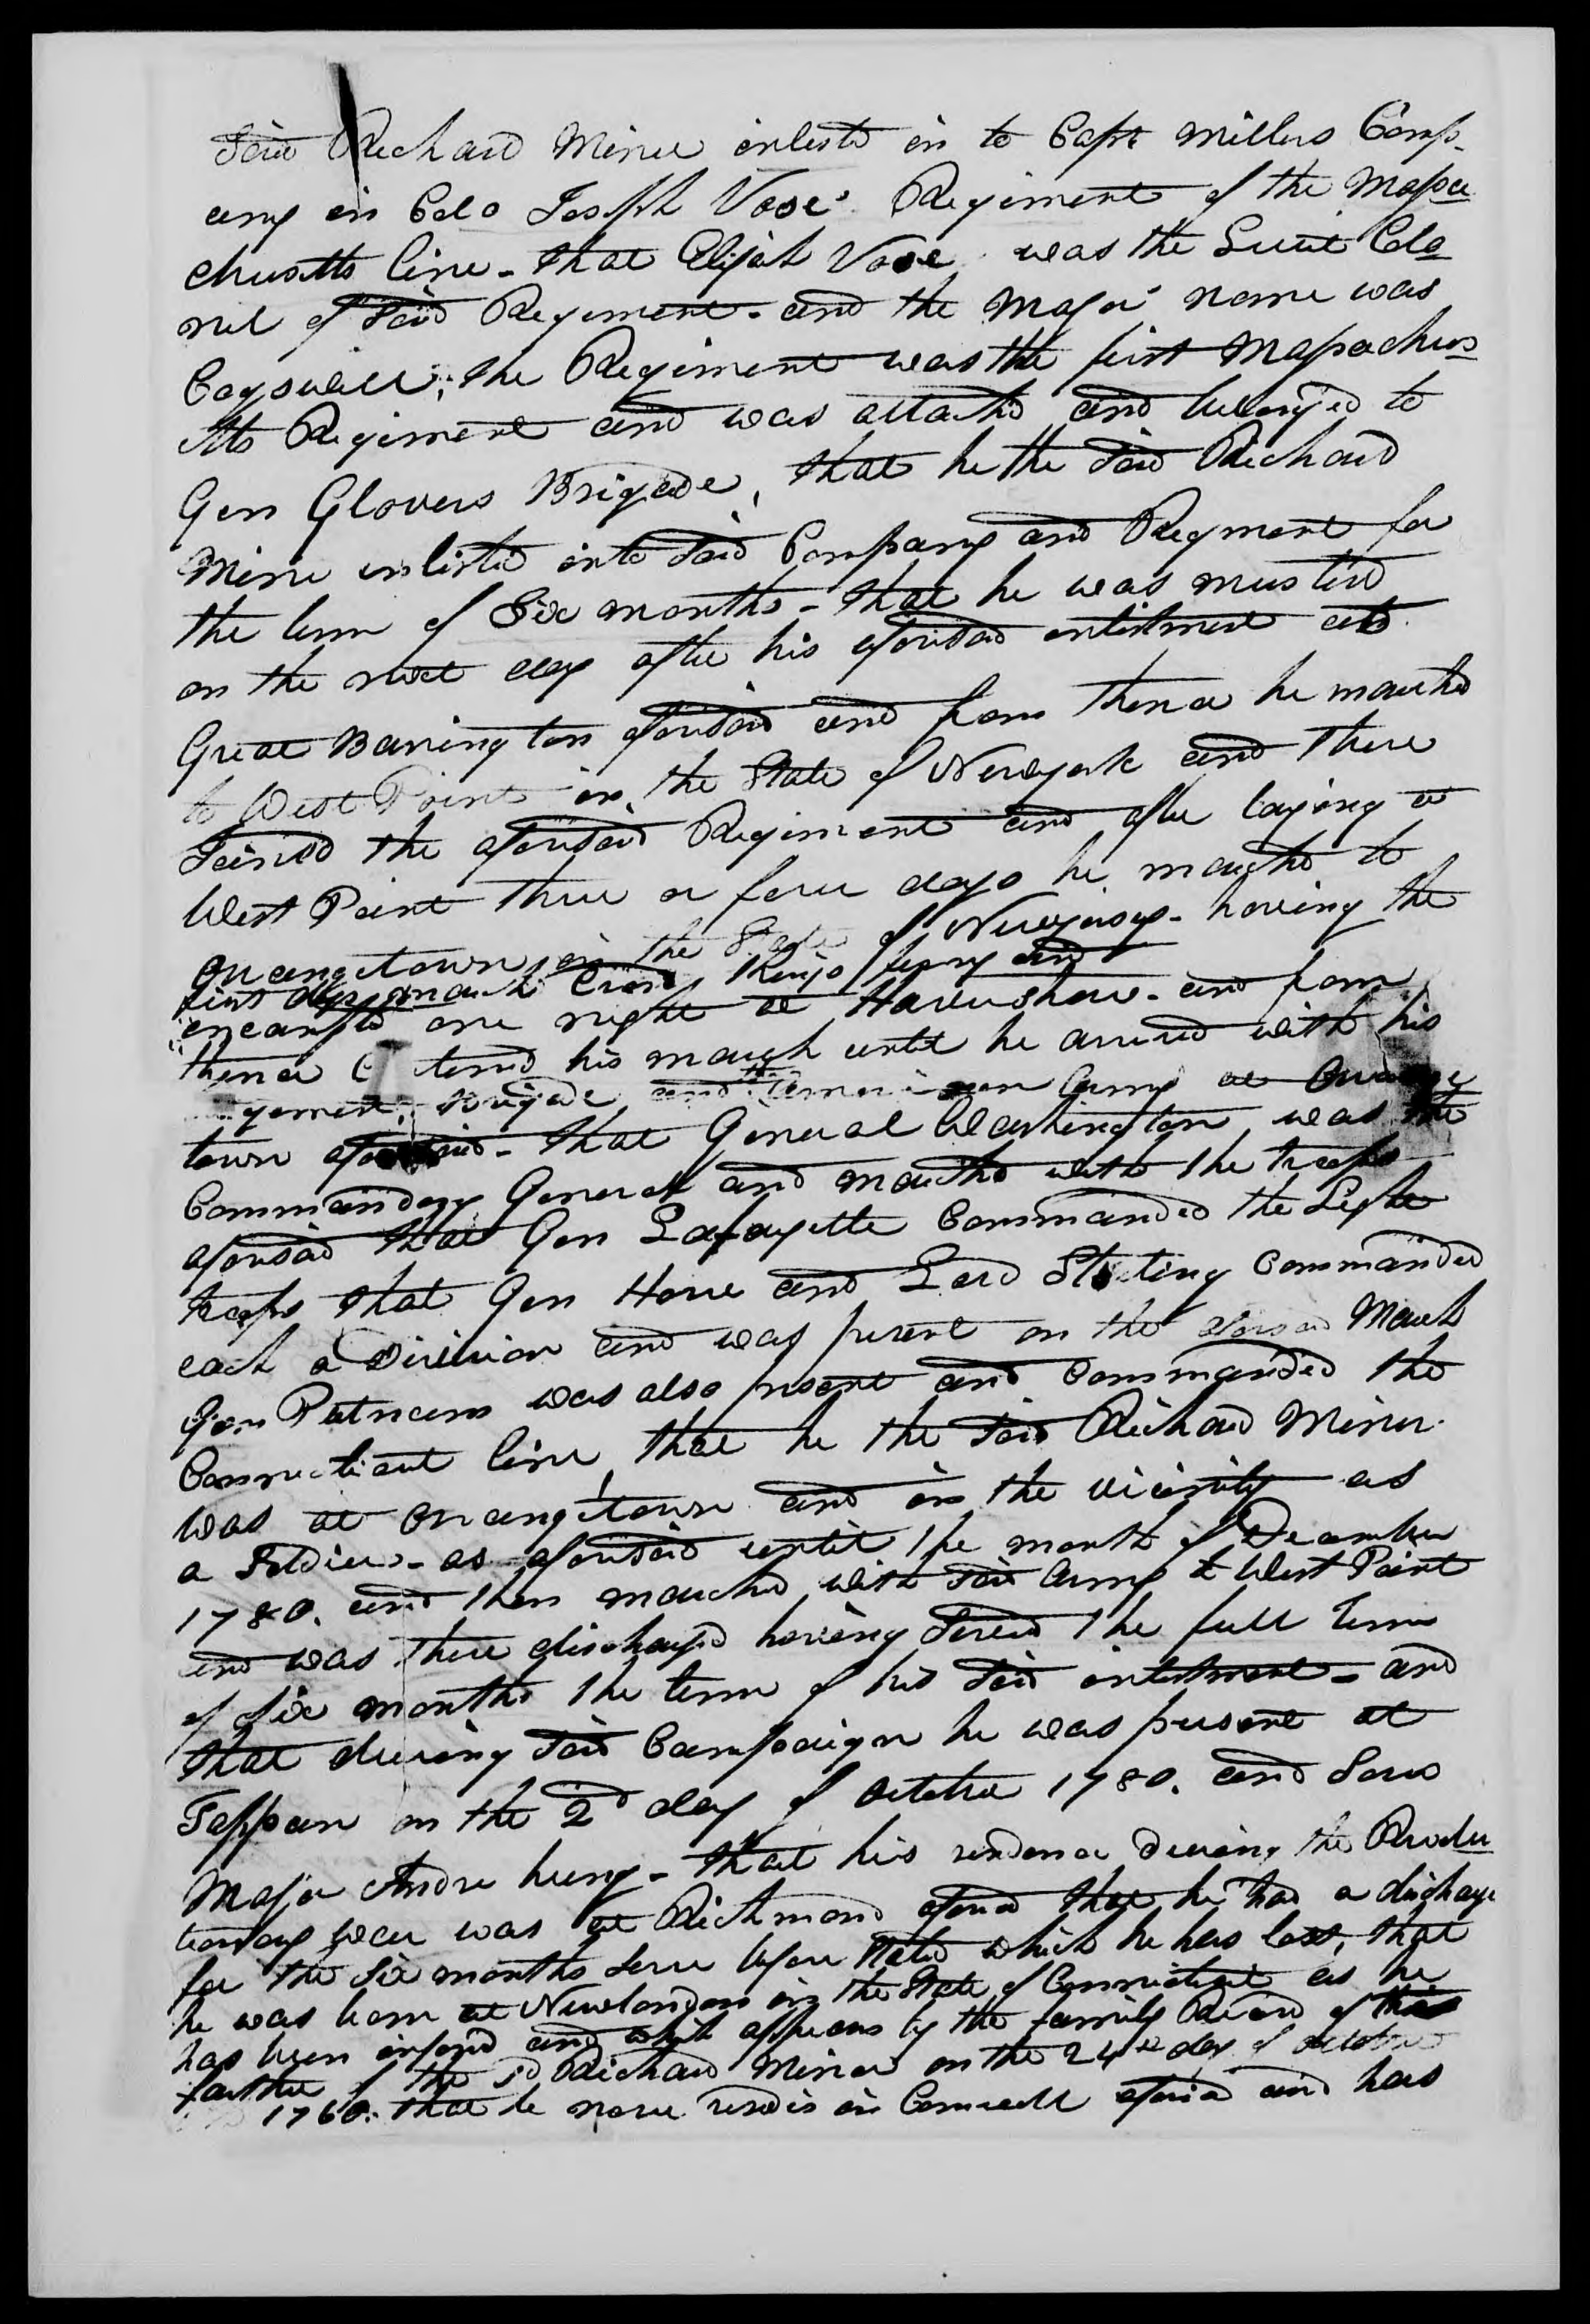said Richard Miner inlisted in to Capt Millers Company in Col Joseph Vose's Regiment of the Massachusetts line. That Elijah Vose was the Lieut Colonel of said Regiment and the majors name was Gogswell. The Regiment was the first Massachusetts Regiment and was attached and belonged to
Gen Glovers Brigade. That he the said Richard
Miner enlisted into said Company and Regiment for
the term of six months. That he was muster
on the next day after his aforesaid enlistment at Great Barrington aforesaid and from thence he marched
to West Point in the State of New York and there joined the aforesaid Regiment and after laying at
West Point three or four days he marched to
[illegible] in the State of [illegible] having the first [illegible] 
encamped one night at [illegible]and from
thence contin'd his march until he arrived with his Regiment Brigade, and  American Army at  at [illegible]town. That General Washington was
Commanding General and marched with the troops
aforesaid that Gen Lafayette commanded the 
light troops that Gen Hove and Lord Stirling commanded each a division and was present on the aforsaid march. Gen Putnam was also present and commanded the
Connecticut line. That he the said Richard Miner was at Orangetown and in the vicinity as a Soldier as aforesaid until the month of December 1780.
and then marched with said army to West Point
and was there discharged having served the full term
of six months, the term of his said enlistment and
that during said Campaign he was present at
Tappan on the 2d day of October 1780 and saw
Major Andre hung.  that his residence during the Revolutionary War was at Richmond. After that he  had a discharge for the six months serve before state[illegible] which he has lost, that
he was [illegible] at New London in the State of Connecticut as he
has been [illegible] and still appears by the family  of the 
Father of the sd Richard Miner on the 24th day of October
1760 that he now resides in Cornell [illegible] and has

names: Richard Miner; [BLANK] Washington; [BLANK] Cogswell; Elijah Vose; [BLANK] Putnam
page: 5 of 34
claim: survivor's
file: S. 13944, for Richard Miner, Massachusetts